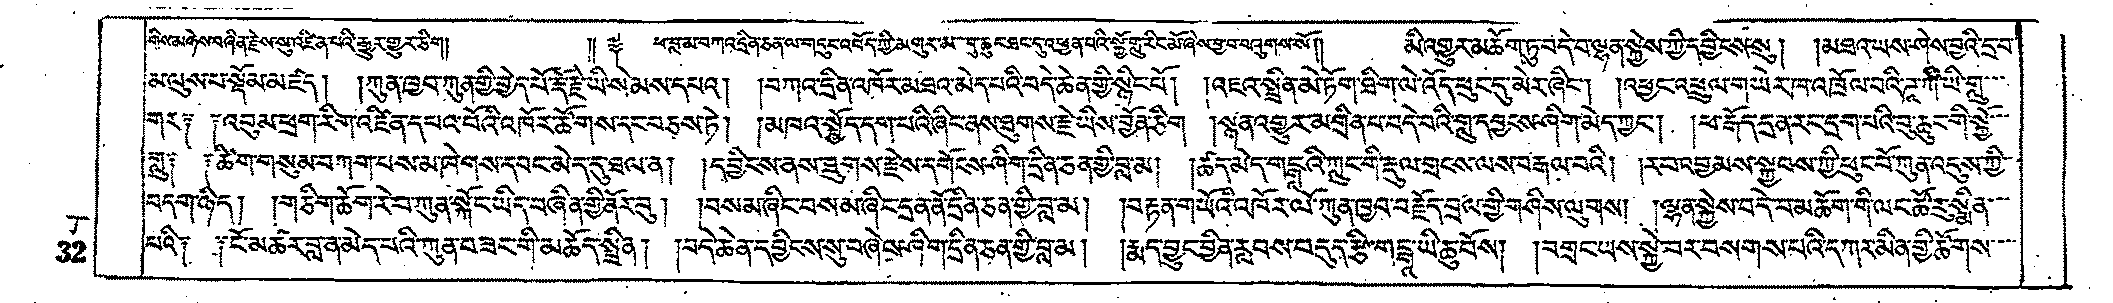གིས་མཉེས་བཞིན་རྗེས་སུ་འཛིན་པའི་རྒྱུར་གྱུར་ཅིག། །། འ་ཕ་བླ་མ་བཀའ་དྲིན་ཅན་ལ་གདུང་འབོད་ཀྱི་མགུར་མ་བུ་ཆུང་ཐང་དུ་འཕྱན་པའི་སྐྱོ་གླུ་རིང་མོ་ཞེས་བྱ་བ་བཞུགས་སོ།། མི་འགྱུར་མཆོག་ཏུ་བདེ་བ་ལྷན་སྐྱེས་ཀྱི་དབྱིངས་སུ། །མཐའ་ཡས་ཤེས་བྱའི་དྲ་བ་
མ་ལུས་པ་སྡོམ་མཛད། །ཀུན་ཁྱབ་ཀུན་གྱི་བྱེད་པོ་རྡོ་རྗེ་ཡི་སེམས་དཔའ། །བཀའ་དྲིན་འཁོར་མཐའ་མེད་པའི་བདེ་ཆེན་གྱི་སྙིང་པོ། །འཇའ་སྤྲིན་མེ་ཏོག་ཐིག་ལེ་འོད་ཕུང་དུ་མེར་ཞིང་། །འཕྱང་འཕྲུལ་གཡེར་ཁ་འཁྲོལ་བའི་ཌཱ་ཀ་ཡི་གླུ་་་
གར༑ ༑འབུམ་ཕྲག་རིག་འཛིན་དཔའ་བོའི་འཁོར་ཚོགས་དང་བཅས་ཏེ། །མཁའ་སྤྱོད་དག་པའི་ཞིང་ནས་ཐུགས་རྗེ་ཡིས་བྱོན་ཅིག །སྙན་འགྱུར་མགྲིན་པ་བདེ་བའི་གླུ་དབྱངས་ཤིག་མེད་ཀྱང་། །ཕ་རྒོད་དྲན་རང་དྲག་པའི་བུ་ཆུང་གི་སྐྱོ་་་
གླུ༑ ༑ཚིག་གསུམ་བཀག་པས་མ་ཁེགས་དབང་མེད་དུ་ཐལ་ན། །དབྱིངས་ནས་ཐུགས་རྗེས་དགོངས་ཤིག་དྲིན་ཅན་གྱི་བླ་མ། །ཚད་མེད་གངྒའི་ཀླུང་གི་རྡུལ་གྲངས་ལས་བརྒལ་བའི། །རབ་འབྱམས་སྐྱབས་ཀྱི་ཕུང་པོ་ཀུན་འདུས་ཀྱི་་་
བདག་ཉིད། །གཅིག་ཆོག་རེ་བ་ཀུན་སྐོང་ཡིད་བཞིན་གྱི་ནོར་བུ། །བསམ་ཞིང་བསམ་ཞིང་དྲན་ནོ་དྲིན་ཅན་གྱི་བླ་མ། །བརྟན་གཡོའི་འཁོར་ལོ་ཀུན་ཁྱབ་བརྗོད་བྲལ་གྱི་གཤིས་ལུགས། །ལྷན་སྐྱེས་བདེ་བ་མཆོག་གི་ལང་ཚོ་རུ་སྨིན་་་
པའི༑ ༑ངོ་མཚར་བླ་ན་མེད་པའི་ཀུན་བཟང་གི་མཆོད་སྤྲིན། །བདེ་ཆེན་དབྱིངས་སུ་བཞེས་ཤིག་དྲིན་ཅན་གྱི་བླ་མ། །རྨད་བྱུང་བྱིན་རླབས་བདུད་རྩི་གངྒའ་ཡི་ཆུ་བོས། །བྲང་ཡས་སྐྱེ་བར་བསགས་པའི་དཀར་མིན་གྱི་ཚོགས་་་